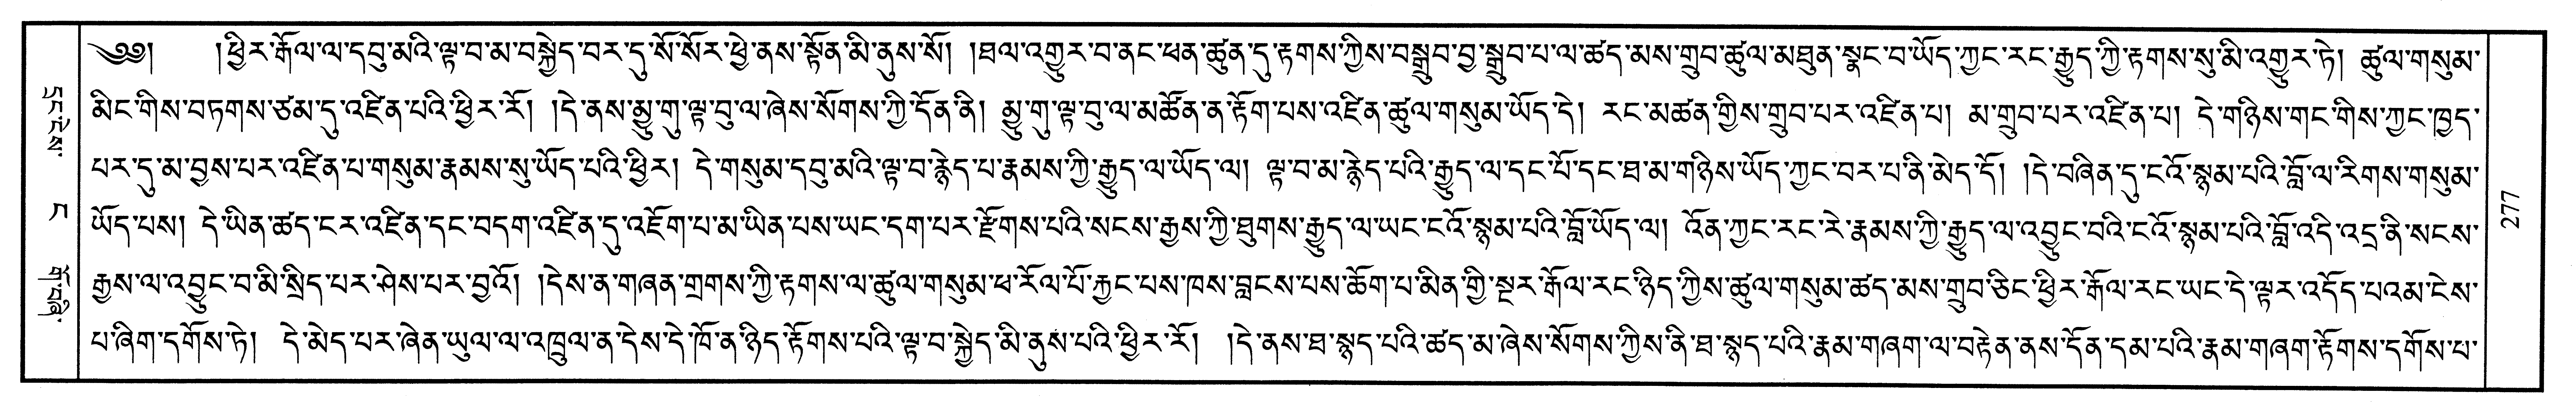༄༅། །ཕྱིར་རྒོལ་ལ་དབུ་མའི་ལྟ་བ་མ་བསྐྱེད་བར་དུ་སོ་སོར་ཕྱེ་ནས་སྟོན་མི་ནུས་སོ། །ཐལ་འགྱུར་བ་ནང་ཕན་ཚུན་དུ་རྟགས་ཀྱིས་བསྒྲུབ་བྱ་སྒྲུབ་པ་ལ་ཚད་མས་གྲུབ་ཚུལ་མཐུན་སྣང་བ་ཡོད་ཀྱང་རང་རྒྱུད་ཀྱི་རྟགས་སུ་མི་འགྱུར་ཏེ། ཚུལ་གསུམ་
མིང་གིས་བཏགས་ཙམ་དུ་འཛིན་པའི་ཕྱིར་རོ། །དེ་ནས་མྱུ་གུ་ལྟ་བུ་ལ་ཞེས་སོགས་ཀྱི་དོན་ནི། མྱུ་གུ་ལྟ་བུ་ལ་མཚོན་ན་རྟོག་པས་འཛིན་ཚུལ་གསུམ་ཡོད་དེ། རང་མཚན་གྱིས་གྲུབ་པར་འཛིན་པ། མ་གྲུབ་པར་འཛིན་པ། དེ་གཉིས་གང་གིས་ཀྱང་ཁྱད་
པར་དུ་མ་བྱས་པར་འཛིན་པ་གསུམ་རྣམས་སུ་ཡོད་པའི་ཕྱིར། དེ་གསུམ་དབུ་མའི་ལྟ་བ་རྙེད་པ་རྣམས་ཀྱི་རྒྱུད་ལ་ཡོད་ལ། ལྟ་བ་མ་རྙེད་པའི་རྒྱུད་ལ་དང་པོ་དང་ཐ་མ་གཉིས་ཡོད་ཀྱང་བར་པ་ནི་མེད་དོ། །དེ་བཞིན་དུ་ངའོ་སྙམ་པའི་བློ་ལ་རིགས་གསུམ་
ཡོད་པས། དེ་ཡིན་ཚད་ངར་འཛིན་དང་བདག་འཛིན་དུ་འཇོག་པ་མ་ཡིན་པས་ཡང་དག་པར་རྫོགས་པའི་སངས་རྒྱས་ཀྱི་ཐུགས་རྒྱུད་ལ་ཡང་ངའོ་སྙམ་པའི་བློ་ཡོད་ལ། འོན་ཀྱང་རང་རེ་རྣམས་ཀྱི་རྒྱུད་ལ་འབྱུང་བའི་ངའོ་སྙམ་པའི་བློ་འདི་འདྲ་ནི་སངས་
རྒྱས་ལ་འབྱུང་བ་མི་སྲིད་པར་ཤེས་པར་བྱའོ། །དེས་ན་གཞན་གྲགས་ཀྱི་རྟགས་ལ་ཚུལ་གསུམ་ཕ་རོལ་པོ་རྐྱང་པས་ཁས་བླངས་པས་ཆོག་པ་མིན་གྱི་སྔར་རྒོལ་རང་ཉིད་ཀྱིས་ཚུལ་གསུམ་ཚད་མས་གྲུབ་ཅིང་ཕྱིར་རྒོལ་རང་ཡང་དེ་ལྟར་འདོད་པའམ་ངེས་
པ་ཞིག་དགོས་ཏེ། དེ་མེད་པར་ཞེན་ཡུལ་ལ་འཁྲུལ་ན་དེས་དེ་ཁོ་ན་ཉིད་རྟོགས་པའི་ལྟ་བ་སྐྱེད་མི་ནུས་པའི་ཕྱིར་རོ། །དེ་ནས་ཐ་སྙད་པའི་ཚད་མ་ཞེས་སོགས་ཀྱིས་ནི་ཐ་སྙད་པའི་རྣམ་གཞག་ལ་བརྟེན་ནས་དོན་དམ་པའི་རྣམ་གཞག་རྟོགས་དགོས་པ་